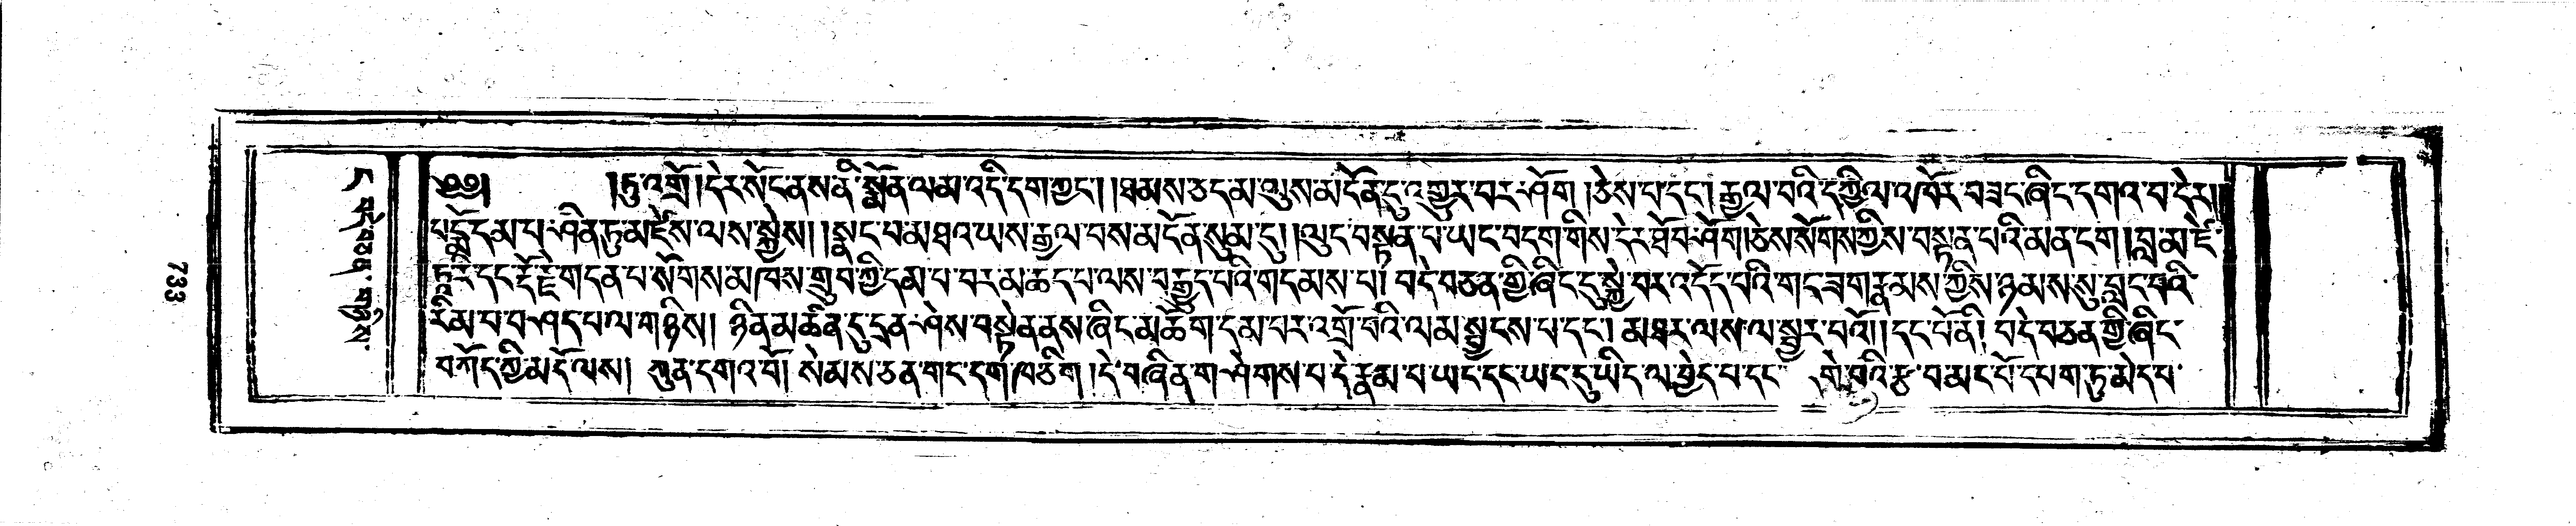༄༅། །ཏུ་འགྲོ་།དེར་སོང་ནས་ནི་སྨོན་ལམ་འདི་དག་ཀྱང་། །ཐམས་ཅད་མ་ལུས་མངོན་དུ་འགྱུར་བར་ཤོག །ཅེས་པ་དང་། རྒྱལ་བའི་དཀྱིལ་འཁོར་བཟང་ཞིང་དགའ་བ་དེར། །
པདམོ་དམ་པ་ཤིན་ཏུ་མཛེས་ལས་སྐྱེས། །སྣང་བ་མཐའ་ཡས་རྒྱལ་བས་མངོན་སུམ་དུ། །ལུང་བསྟན་པ་ཡང་བདག་གིས་དེར་ཐོབ་ཤོག །ཅེས་སོགས་ཀྱིས་བསྟན་པའི་མན་ངག །བླ་མ་ཛེ་
ཏཱ་རི་དང་རྡོ་རྗེ་གདན་པ་སོགས་མཁས་གྲུབ་ཀྱི་དམ་པ་བར་མ་ཆད་པ་ལས་བརྒྱུད་པའི་གདམས་པ། བདེ་བ་ཅན་གྱི་ཞིང་དུ་སྐྱེ་བར་འདོད་པའི་གང་ཟག་རྣམས་ཀྱིས་ཉམས་སུ་བླང་བའི་
རིམ་པ་བཤད་པ་ལ་གཉིས། ཉིན་མཚན་དུ་དྲན་ཤེས་བསྟེན་ནས་ཞིང་མཆོག་དམ་པར་འགྲོ་བའི་ལམ་སྦྱངས་པ་དང་། མཐར་ལས་ལ་སྦྱར་བའོ། །དང་པོ་ནི། བདེ་བ་ཅན་གྱི་ཞིང་
བཀོད་ཀྱི་མདོ་ལས། ཀུན་དགའ་བོ། སེམས་ཅན་གང་དག་ཁ་ཅིག །དེ་བཞིན་གཤེགས་པ་དེ་རྣམ་པ་ཡང་དང་ཡང་དུ་ཡིད་ལ་བྱེད་པ་དང་། དགེ་བའི་རྩ་བ་མང་པོ་དཔག་ཏུ་མེད་པ་